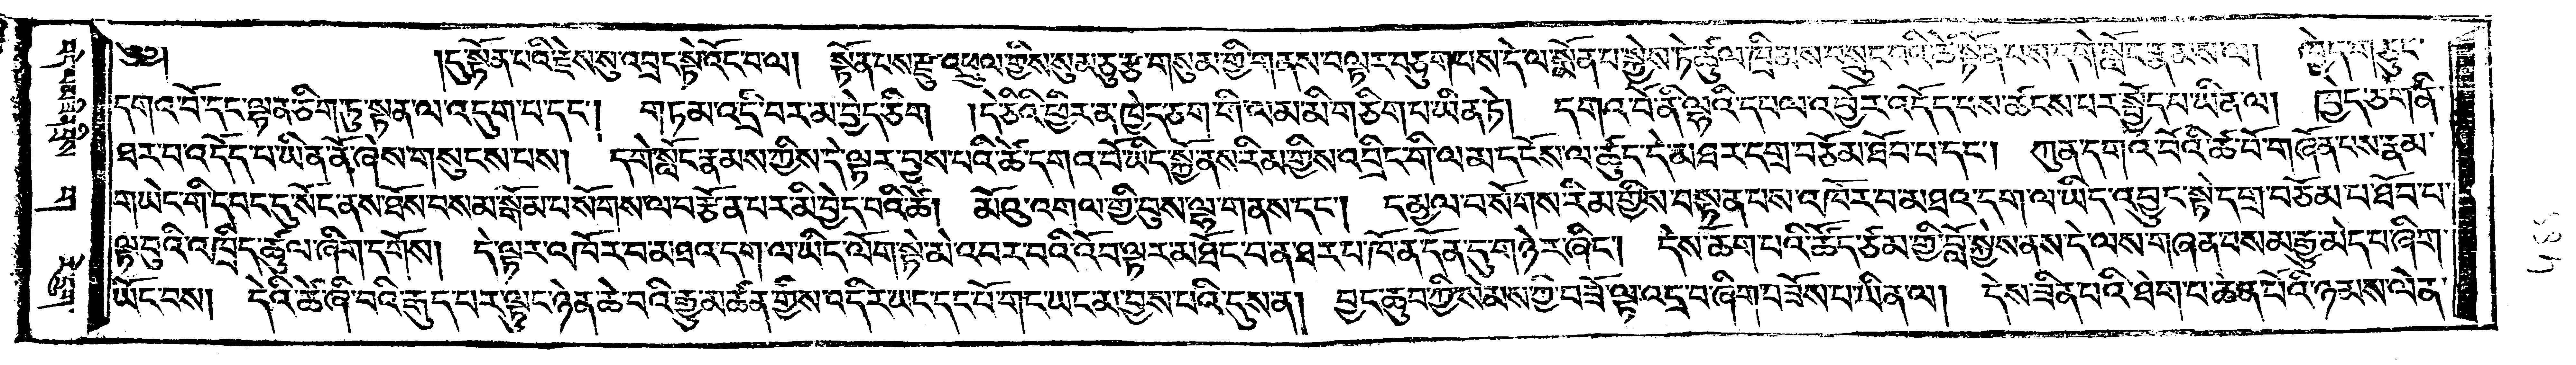༄༅། །དུ་སྟོན་པའི་རྗེས་སུ་འབྲང་སྟེ་འོང་བ་ལ། སྟོན་པས་རྫུ་འཕྲུལ་གྱིས་སུམ་ཅུ་རྩ་གསུམ་གྱི་གནས་བལྟར་བཅུག་པས་དེ་ལ་སྨོན་པ་སྐྱེས་ཏེ་ཚུལ་ཁྲིམས་བསྲུང་བའི་ཚེ་སྟོན་པས་དགེ་སློང་རྣམས་ལ། ཁྱེད་གཅུང་
དགའ་བོ་དང་ལྷན་ཅིག་ཏུ་སྟན་ལ་འདུག་པ་དང་། གཏམ་འདྲི་བར་མ་བྱེད་ཅིག །དེ་ཅིའི་ཕྱིར་ན་ཁྱེད་ཅག་གི་ལམ་མི་གཅིག་པ་ཡིན་ཏེ། དགའ་བོ་ནི་ལྷའི་དཔལ་འབྱོར་འདོད་པས་ཚངས་པར་སྤྱོད་པ་ཡིན་ལ། ཁྱེད་ཅག་ནི་
ཐར་བ་འདོད་པ་ཡིན་ནོ་ཞེས་གསུངས་བས། དགེ་སློང་རྣམས་ཀྱིས་དེ་ལྟར་བྱས་པའི་ཚེ་དགའ་བོ་ཡིད་སྐྱོ་ནས་རིམ་གྱིས་འབྲིང་གི་ལམ་དངོས་ལ་ཚུད་དེ་མཐར་དགྲ་བཅོམ་ཐོབ་པ་དང་། ཀུན་དགའ་བོའི་ཚ་བོ་གཞོན་པས་རྣམ་
གཡེང་གི་དབང་དུ་སོང་ནས་ཐོས་བསམ་སྒོམ་པ་སོགས་ལ་བརྩོན་པར་མི་བྱེད་པའི་ཚེ། མོའུ་འགལ་གྱི་ཤུས་ལྷ་གནས་དང་། དམྱལ་བ་སོགས་རིམ་གྱིས་བསྟན་པས་འཁོར་བ་མཐའ་དག་ལ་ཡིད་འབྱུང་སྟེ་དགྲ་བཅོམ་པ་ཐོབ་པ་
ལྟ་བུའི་འཁྲིད་ཚུལ་ཞིག་དགོས། དེ་ལྟར་འཁོར་བ་མཐའ་དག་ལ་ཡིད་ལོག་སྟེ་མེ་འབར་བའི་འོབ་ལྟར་མཐོང་བ་ན་ཐར་པ་ཁོ་ན་དོན་དུ་གཉེར་ཞིང་། དེས་ཆོག་པའི་ཚོད་ཙམ་གྱི་བློ་སྐྱེས་ནས་དེ་ལས་གཞན་བསམ་རྒྱ་མེད་པ་ཞིག་
ཡོང་བས། དེའི་ཚེ་ཞི་བའི་རྒུད་པར་ལྟུང་ཉེན་ཆེ་བའི་རྒྱུ་མཚན་གྱིས་འདིར་ཡང་དང་པོ་གང་ཡང་མ་བྱས་པའི་དུས་ན། བྱང་ཆུབ་ཀྱི་སེམས་ཀྱི་བཟོ་ལྟ་འདྲ་བ་ཞིག་བཟོས་པ་ཡིན་ལ། དེས་ཟིན་པའི་ཐེག་པ་ཆེན་པོའི་ཉམས་ལེན་